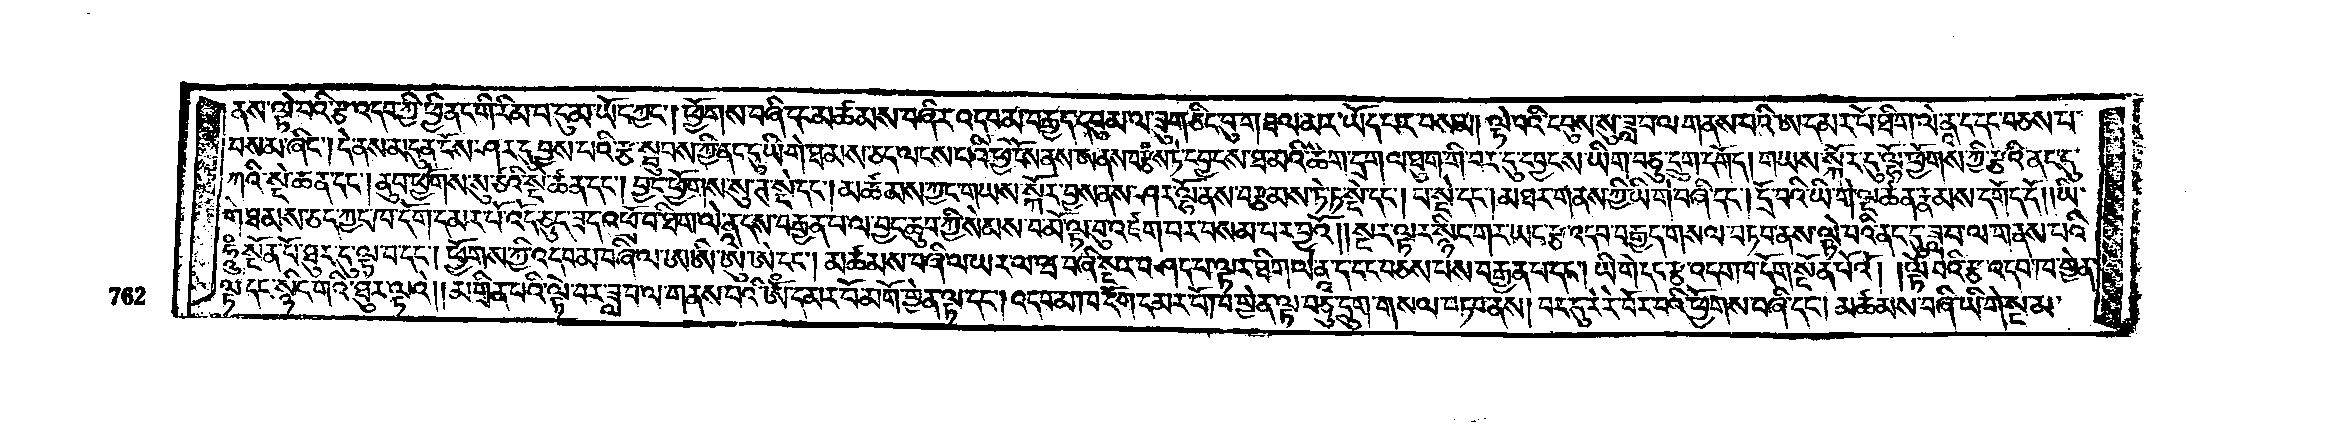ནས་ལྟེ་བའི་རྩ་འདབ་ཀྱི་ཕྱི་ནང་གི་རིམ་པ་དུ་མ་ཡོད་ཀྱང་། ཕྱོགས་བཞི་དང་མཚམས་བཞིར་འདབ་མ་བརྒྱད་དབུ་མ་ལ་ཟུག་ཅིང་བུ་ག་ཐལ་མར་ཡོད་པར་བསམ། ལྟེ་བའི་དབུས་སུ་ཟླ་བ་ལ་གནས་པའི་ཨ་དམར་པོ་ཐིག་ལེ་ནཱ་ད་དང་བཅས་པ་
བསམ་ཞིང་། དེ་ནས་མདུན་ངོས་ཤར་དུ་བྱས་པའི་རྩ་སྦུབས་ཀྱི་ནང་དུ་ཡི་གེ་ཐམས་ཅད་ལངས་པའི་ཕྱི་ངོས་ནས་ཨ་ནས་བརྩམས་ཏེ་དབྱངས་ཐ་མའི་ཚིག་དྲག་ལ་ཐུག་གི་བར་དུ་དབྱངས་ཡིག་བཅུ་དྲུག་དགོད། གཡས་སྐོར་དུ་ལྷོ་ཕྱོགས་ཀྱི་རྩའི་ནང་དུ་
ཀའི་སྡེ་ཚན་དང་། ནུབ་ཕྱོགས་སུ་ཙའི་སྡེ་ཚན་དང་། བྱང་ཕྱོགས་སུ་ཊ་སྡེ་དང་། མཚམས་ཀྱང་གཡས་སྐོར་བྱས་ནས་ཤར་ལྷོ་ནས་བརྩམས་ཏེ་ཏ་སྡེ་དང་། པ་སྡེ་དང་། མཐར་གནས་ཀྱི་ཡི་གེ་བཞི་དང་། དྲོ་བའི་ཡི་གེ་ལྔ་ཚན་རྣམས་དགོད་དོ། །ཡི་
གེ་ཐམས་ཅད་ཀྱང་ཁ་དོག་དམར་པོ་འོད་ཅུང་ཟད་འཕྲོ་བ་ཐིག་ལེ་ནཱ་དས་བརྒྱན་པ་ལ་བྱང་ཆུབ་ཀྱི་སེམས་པ་མོ་ལྟ་བུ་འཛག་པར་བསམ་པར་བྱའོ། །སྔར་ལྟར་སྙིང་གར་ཡང་རྩ་འདབ་བརྒྱད་གསལ་བཏབ་ནས་ལྟེ་བའི་ནང་དུ་ཟླ་བ་ལ་གནས་པའི་
ཧཱུཾ་སྔོན་པོ་ཐུར་དུ་ལྟ་བ་དང་། ཕྱོགས་ཀྱི་འདབ་མ་བཞི་ལ་ཨ་ཨི་ཨུ་ཨེ་དང་། མཚམས་བཞི་ལ་ཡར་ལ་ཝ་བཞི་སྔར་བཤད་པ་ལྟར་ཐིག་ལེ་ནཱ་ད་དང་བཅས་པས་བརྒྱན་པ་དང་། ཡི་གེ་དང་རྩ་འདབ་ཁ་དོག་སྔོན་པོའོ། །ལྟེ་བའི་རྩ་འདབ་ཁ་གྱེན་
ལྟ་དང་སྙིང་གའི་ཐུར་ལྟའི། །མགྲིན་པའི་ལྟེ་བར་ཟླ་བ་ལ་གནས་པའི་ཨོཾ་དམར་པོ་མགོ་གྱེན་ལྟ་དང་། འདབ་མ་ཁ་དོག་དམར་པོ་ཁྲ་གྱེན་ལྟ་བཅུ་དྲུག་གསལ་བཏབ་ནས། བར་དུ་རེ་རེ་བོར་བའི་ཕྱོགས་བཞི་དང་། མཚམས་བཞི་ཡི་གེ་སྔ་མ་